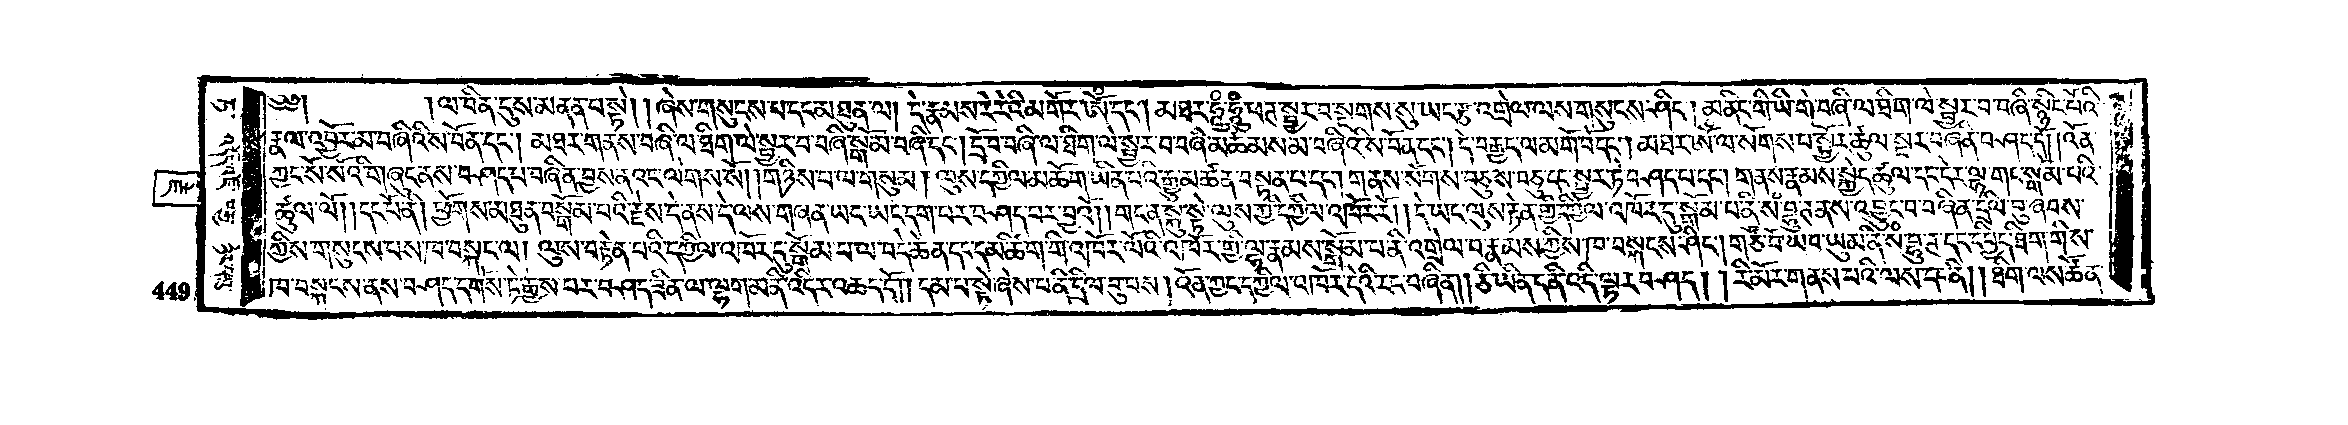༄༅། །ལ་བིན་དུས་མནན་པ་སྟེ། །ཞེས་གསུངས་པ་དང་མཐུན་ལ། དེ་རྣམས་རེ་རེའི་མགོར་ཨོཾ་དང་། མཐར་ཧཱུཾ་ཧཱུཾ་ཕཊ་སྦྱར་བ་སྔགས་སུ་ཡང་རྩ་འགྲེལ་ལས་གསུངས་ཤིང་། མ་ནིང་གི་ཡི་གེ་བཞི་ལ་ཐིག་ལེ་སྦྱར་བ་བཞི་སྙིང་པོའི་
རྣལ་འབྱོར་མ་བཞིའི་ས་བོན་དང་། མཐར་གནས་བཞི་ལ་ཐིག་ལེ་སྦྱར་བ་བཞི་སྒོ་མ་བཞི་དང་། དྲོ་བ་བཞི་ལ་ཐིག་ལེ་སྦྱར་བ་བཞི་མཚམས་མ་བཞིའི་ས་བོན་དང་། དེ་བརྒྱད་ལ་མགོ་བོ་དང་། མཐར་ཨོཾ་ལ་སོགས་པ་སྦྱོར་ཚུལ་སྔར་བཞིན་བཤད་དོ། །འོན་
ཀྱང་སོ་སོའི་གཞུང་ནས་བཤད་པ་བཞིན་བྱས་ནའང་ལེགས་སོ། །གཉིས་པ་ལ་གསུམ། ལུས་དཀྱིལ་མཆོག་ཡིན་པའི་རྒྱུ་མཚན་བསྟན་པ་དང་། གནས་སོགས་བཅུ་ས་བཅུ་དང་སྦྱར་ཏེ་བཤད་པ་དང་། གནས་རྣམས་སྐྱེད་ཚུལ་དང་དེར་ལྷ་གང་སྒོམ་པའི་
ཚུལ་ལོ། །དང་པོ་ནི། ཕྱོགས་མཐུན་བསྒོམ་པའི་རྗེས་དེ་ནས་དེ་ལས་གཞན་ཡང་ཡང་དག་པར་བཤད་པར་བྱའོ། །གང་ན་སྐུ་སྟེ་ལུས་ཀྱི་དཀྱིལ་འཁོར་རོ། །དེ་ཡང་ལུས་རྟེན་གྱི་དཀྱིལ་འཁོར་དུ་སྒོམ་པ་ནི་སཾ་བྷུ་ཊ་ནས་འབྱུང་བ་བཞིན་དྲིལ་བུ་ཞབས་
ཀྱིས་གསུངས་པས་ཁ་བསྐང་ལ། ལུས་བརྟེན་པའི་དཀྱིལ་འཁོར་དུ་སྒོམ་པ་ལ་བདེ་ཆེན་དང་དམ་ཚིག་གི་འཁོར་ལོའི་འཁོར་གྱི་ལྷ་རྣམས་སྒོམ་པ་ནི་འགྲེལ་པ་རྣམས་ཀྱིས་ཁ་བསྐངས་ཤིང་། གཙོ་བོ་ཡབ་ཡུམ་ནི་སཾ་བྷུ་ཊ་དང་དཔྱིད་ཐིག་གིས་
ཁ་བསྐངས་ནས་བཤད་དགོས་ཏེ་རྒྱས་པར་བཤད་ཟིན་ལ་ལྷག་མ་ནི་འདིར་འཆད་དོ། །དམ་པ་སྟེ་ཞེས་པ་ནི་དྲིལ་བུ་པས། འོན་ཀྱང་དཀྱིལ་འཁོར་དེའི་རང་བཞིན། །ཅི་ཡིན་ད་ནི་འདི་ལྟར་བཤད། །རི་མོར་གནས་པའི་ལས་དང་ནི། །ཐིག་ལས་ཚོན་